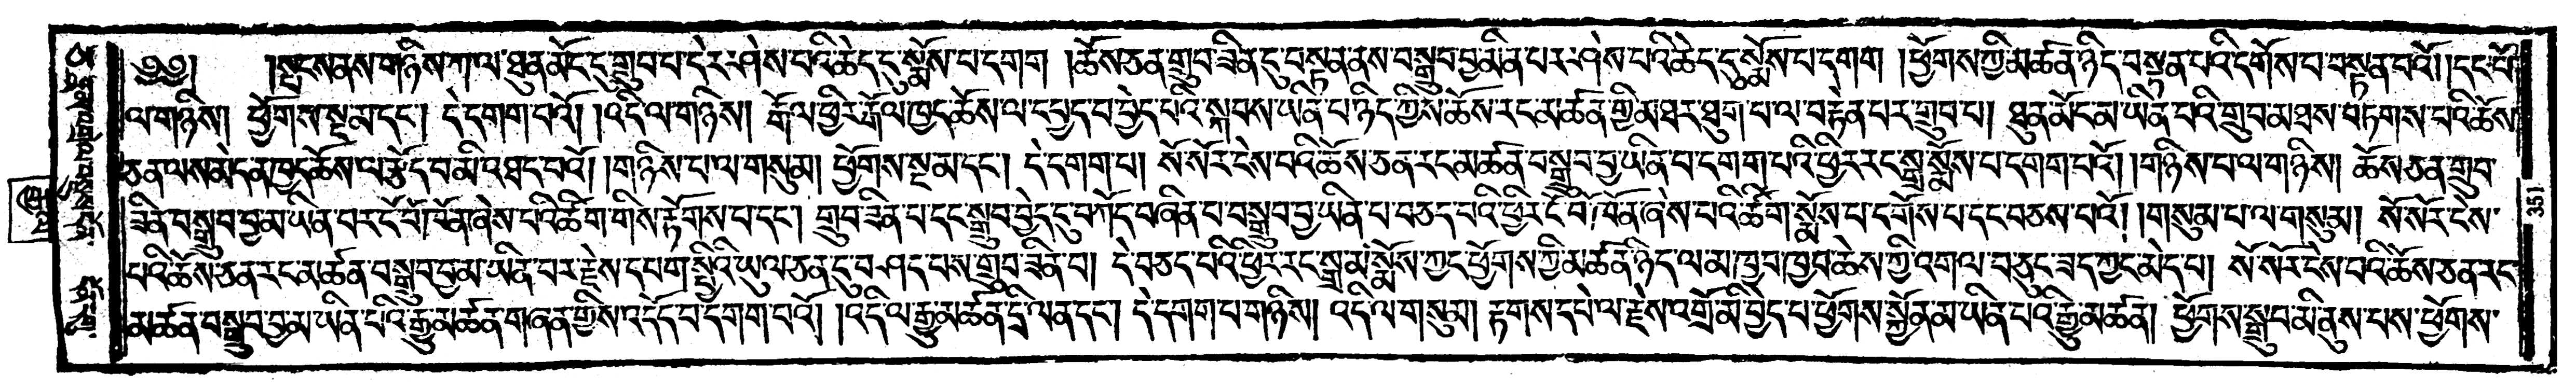༄༅། །སྤངས་ནས་གཉིས་ཀ་ལ་ཐུན་མོང་དུ་གྲུབ་པ་དེར་ཤེས་པའི་ཆེད་དུ་སྨོས་པ་དགག །ཆོས་ཅན་གྲུབ་ཟིན་དུ་བསྟན་ནས་བསྒྲུབ་བྱ་མིན་པར་ཤེས་པའི་ཆེད་དུ་སྨོས་པ་དགག །ཕྱོགས་ཀྱི་མཚན་ཉིད་བསྟན་པའི་དགོས་པ་བསྟན་པའོ། །དང་པོ་
ལ་གཉིས། ཕྱོགས་སྔ་མ་དང་། དེ་དགག་པའོ། །འདི་ལ་གཉིས། རྒོལ་ཕྱིར་རྒོལ་ཁྱད་ཆོས་ལ་དཔྱད་པ་བྱེད་པའི་སྐབས་ཡིན་པ་ཉིད་ཀྱིས་ཆོས་རང་མཚན་གྱི་མཐར་ཐུག་པ་ལ་བརྟེན་པར་གྲུབ་པ། ཐུན་མོང་མ་ཡིན་པའི་གྲུབ་མཐས་བཏགས་པའི་ཆོས་
ཅན་ལས་མེད་ན་ཁྱད་ཆོས་ལ་རྩོད་པ་མི་འཐད་པའོ། །གཉིས་པ་ལ་གསུམ། ཕྱོགས་སྔ་མ་དང་། དེ་དགག་པ། སོ་སོར་ངེས་པའི་ཆོས་ཅན་རང་མཚན་བསྒྲུབ་བྱ་ཡིན་པ་དགག་པའི་ཕྱིར་རང་སྒྲ་སྨོས་པ་དགག་པའོ། །གཉིས་པ་ལ་གཉིས། ཆོས་ཅན་གྲུབ་
ཟིན་བསྒྲུབ་བྱ་མ་ཡིན་པར་ངོ་བོ་ཁོ་ན་ཞེས་པའི་ཚིག་གིས་རྟོགས་པ་དང་། གྲུབ་ཟིན་པ་དང་སྒྲུབ་བྱེད་དུ་བཀོད་བཞིན་པ་བསྒྲུབ་བྱ་ཡིན་པ་བཅད་པའི་ཕྱིར་ངོ་བོ་ཁོ་ན་ཞེས་པའི་ཚིག་སྨོས་པ་དགོས་པ་དང་བཅས་པའོ། །གསུམ་པ་ལ་གསུམ། སོ་སོར་ངེས་
པའི་ཆོས་ཅན་རང་མཚན་བསྒྲུབ་བྱ་མ་ཡིན་པར་རྗེས་དཔག་སྤྱིའི་ཡུལ་ཅན་དུ་བཤད་པས་གྲུབ་ཟིན་པ། དེ་བཅད་པའི་ཕྱིར་རང་སྒྲ་མ་སྨོས་ཀྱང་ཕྱོགས་ཀྱི་མཚན་ཉིད་ལ་མ་ཁྱབ་ཁྱབ་ཆེས་ཀྱི་འགལ་བ་ཅུང་ཟད་ཀྱང་མེད་པ། སོ་སོར་ངེས་པའི་ཆོས་ཅན་རང་
མཚན་བསྒྲུབ་བྱ་མ་ཡིན་པའི་རྒྱུ་མཚན་གཞན་གྱིས་འདོད་པ་དགག་པའོ། །འདི་ལ་རྒྱུ་མཚན་དྲི་ལན་དང་། དེ་དགག་པ་གཉིས། འདི་ལ་གསུམ། རྟགས་དཔེ་ལ་རྗེས་འགྲོ་མི་བྱེད་པ་ཕྱོགས་སྐྱོན་མ་ཡིན་པའི་རྒྱུ་མཚན། ཕྱོགས་སྒྲུབ་མི་ནུས་པས་ཕྱོགས་